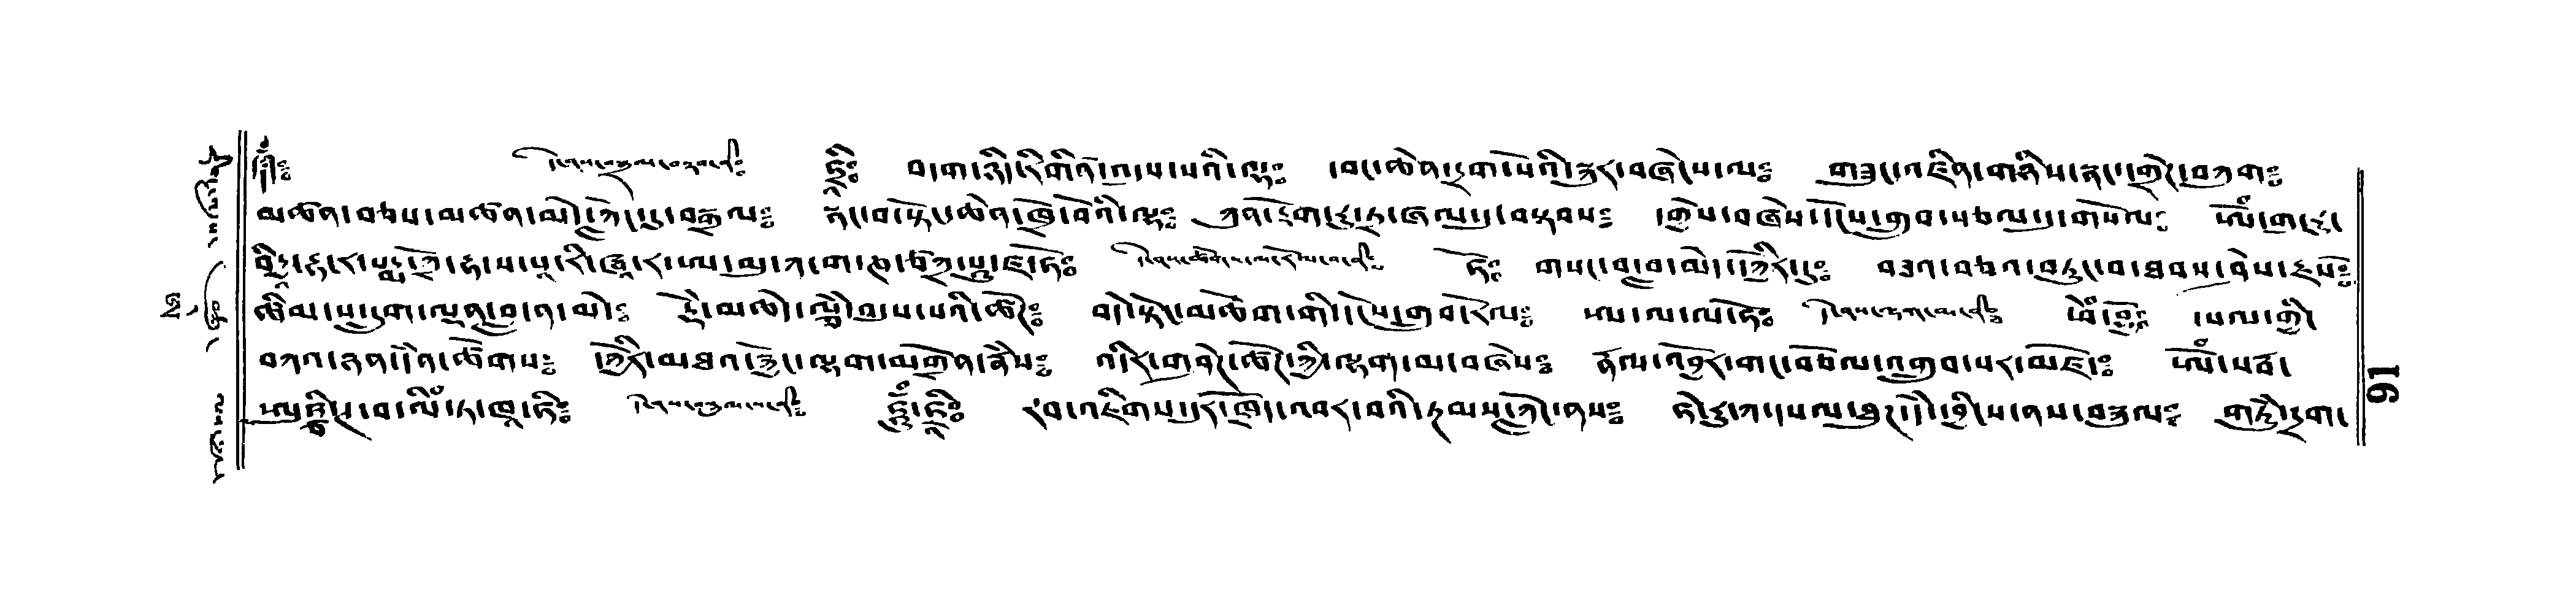དེ་ནས་བསྒྲལ་བསྟབ་ནི༔ ཧྲཱིཿ བདག་ཉིད་རིག་འཛིན་འདུས་པའི་ལྷ༔ དབང་ཆེན་དྲག་པོའི་སྐུ་བཞེངས་ལ༔ གཟུང་འཛིན་གཉིས་སྣང་དགྲ་བགེགས་བཀུག༔ 
མཚན་བཅས་མཚན་མེད་ཀློང་དུ་བསྒྲལ༔ སྣང་བ་སྟོང་ཆེན་ཁྲོ་བོའི་ལྷ༔ ཀུན་རྟོག་རུ་ཏྲ་ཞལ་དུ་བསྟབས༔ དགྱེས་བཞེས་དངོས་གྲུབ་བསྩལ་དུ་གསོལ༔ ཨོཾ་གུ་རུ་
བིདྱཱ་དྷ་ར་པདྨ་ཀྲོ་དྷ་ས་པཱ་རི་ཝཱ་ར་ཨ་མུ་ཀ་ག་ཎ་ཙཀྲ་པཱུ་ཛ་ཧོཿ དེ་ནས་ཚོགས་ལ་རོལ་བ་ནི༔ ཧོཿ གསང་བ་བླ་མེད་དཀྱིལ་འཁོར་དུ༔ བཟའ་བཅའ་བཏུང་བ་ཐབས་ཤེས་རྫས༔ 
ཚིམ་པ་དྲུག་ལྡན་བླ་ན་མེད༔ རྡོ་རྗེ་མཆེད་ལྕམ་འདུས་པའི་ཚོགས༔ བདེ་སྟོང་མཆོག་གི་དངོས་གྲུབ་རོལ༔ ཨ་ལ་ལ་ཧོཿ དེ་ནས་ལྷག་མ་ནི༔ ཕེཾ་བྷྱོཿ དཔལ་གྱི་
བཀའ་ཉན་དམ་ཅན་ཚོགས༔ དཀྱིལ་འཁོར་མཐའ་སྐྱོང་ལྷག་མགྲོན་རྣམས༔ འདིར་གཤེགས་ཚོགས་ཀྱི་ལྷག་མ་བཞེས༔ རྣལ་འབྱོར་གང་བཅོལ་འགྲུབ་པར་མཛོད༔ ཨོཾ་སརྦ་
ཨུཙྪིཥྚ་བ་ལིཾ་ཏ་ཁཱ་ཧི༔ དེ་ནས་བསྐུལ་པ་ནི༔ ཧཱུྃ་ཧྲཱིཿ རབ་འཇིགས་དུར་ཁྲོད་འབར་བའི་རྔམས་ཀློང་ནས༔ ཧེ་རུ་ཀ་དཔལ་ཐུགས་དམ་དབྱིངས་ནས་བསྐུལ༔ གཏུམ་དྲག་